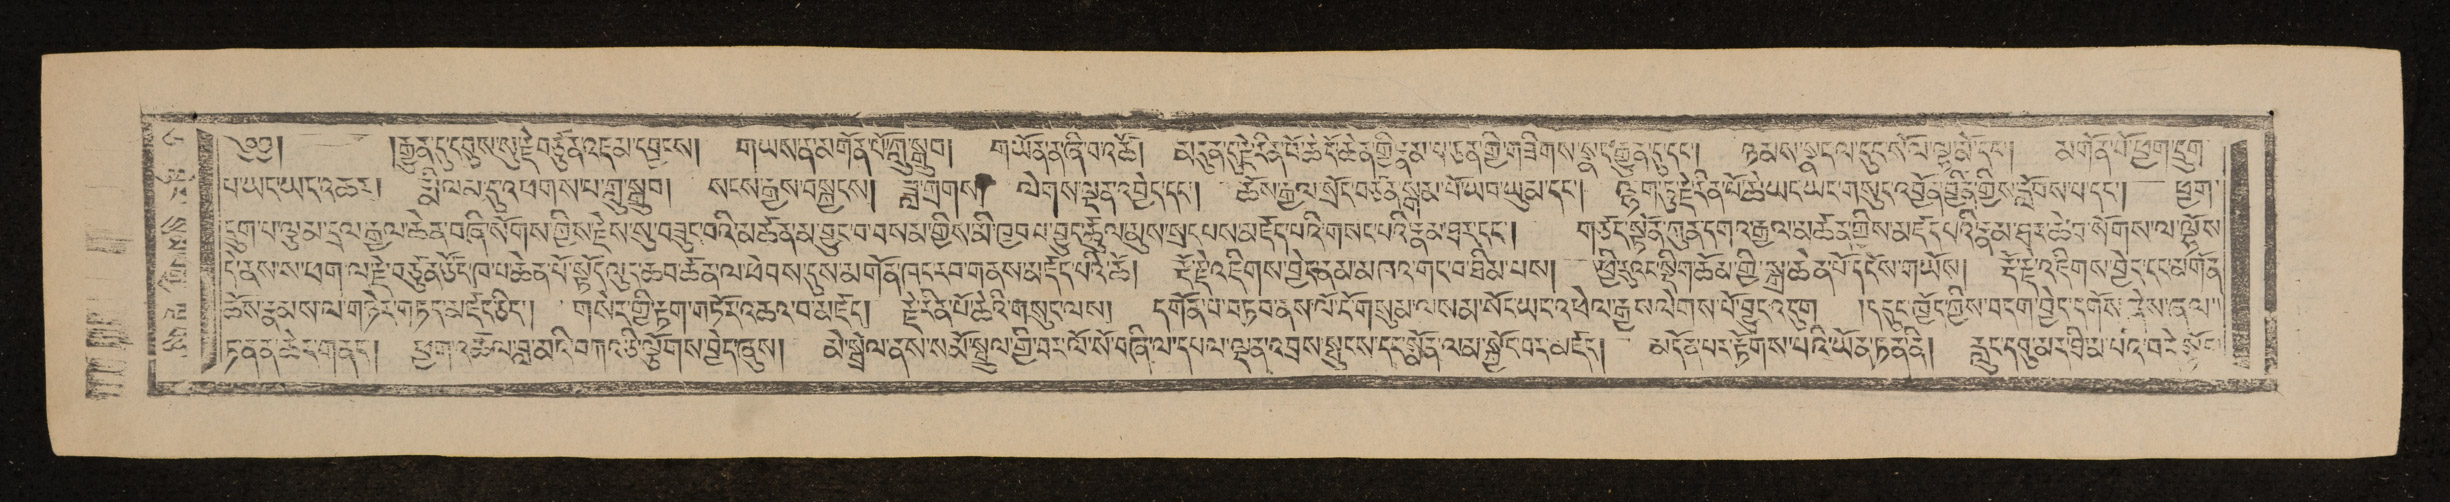༄༅། །རྒྱུན་དུ་དབུས་སུ་རྗེ་བཙུན་འཇམ་དབྱངས། གཡས་ན་མགོན་པོ་ཀླུ་སྒྲུབ། གཡོན་ན་ཞི་བ་འཚོ། མདུན་དུ་རྗེ་རིན་པོ་ཆེ་ངོ་ཆེན་གྱི་རྣམ་པ་ཅན་གྱི་གཟིགས་སྣང་རྒྱུན་དུ་དང་། ཉམས་སྣང་ལ་དུད་སོལ་ལྷ་མོ་དང་། མགོན་པོ་ཕྱག་དྲུག་
པ་ཡང་ཡང་འཆར། རྨི་ལམ་དུ་འཕགས་པ་ཀླུ་སྒྲུབ། སངས་རྒྱས་བསྐྱངས། ཟླ་གྲགས། ལེགས་ལྡན་འབྱེད་དང་། ཆོས་རྒྱལ་སྲོང་བཙན་སྒམ་པོ་ཡབ་ཡུམ་དང་། ལྷག་ཏུ་རྗེ་རིན་པོ་ཆེ་ཡང་ཡང་གསུང་འབྱོན་བྱིན་གྱིས་རློབས་པ་དང་། ཕྱག་
དྲུག་པ་ལྕམ་དྲལ་རྒྱལ་ཆེན་བཞི་སོགས་ཀྱིས་རྗེས་སུ་བཟུང་བའི་མཚན་མ་བྱུང་བ་བསམ་གྱིས་མི་ཁྱབ་པ་བྱུང་ཚུལ་མུས་སྲད་པས་མཛད་པའི་གསང་བའི་རྣམ་ཐར་དང་། གཙང་སྟོན་ཀུན་དགའ་རྒྱལ་མཚན་གྱིས་མཛད་པའི་རྣམ་ཐར་ཆེ་བ་སོགས་ལ་ལྟོས་
དེ་ནས་ས་ཕག་ལ་རྗེ་བཙུན་ཙོང་ཁ་པ་ཆེན་པོ་སྟོད་ལུང་ཆབ་ཚན་ལ་ཕེབས་དུས་མགོན་ཁང་རབ་གནས་མཛད་པའི་ཚེ། རྡོ་རྗེ་འཇིགས་བྱེད་ནམ་མཁའ་གང་བ་ཐིམ་པས། ཕྱི་རུའང་སྡིག་ཆོམ་གྱི་སྒྲ་ཆེན་པོ་དངས་གཡོས། རྡོ་རྗེ་འཇིགས་བྱེད་དང་མགོན་
ཆོས་རྣམས་ལ་གཉེར་གཏད་མཛད་ཅིང་། གསེར་གྱི་རྟག་གཏོར་འཆའ་བ་མཛད། རྗེ་རིན་པོ་ཆེའི་གསུང་ལས། དགོན་པ་བཏབ་ནས་ལོ་ངོ་གསུམ་ལས་མ་སོང་ཡང་འཕེལ་རྒྱས་ལེགས་པོ་བྱུང་འདུག །ད་དུང་ཁྱོད་ཀྱིས་བདག་བྱེད་དགོས་ཞེས་ཞལ་
ཏན་ན་ཆེར་གནང་། ཕྱག་འཚལ་བླ་མའི་བཀའ་ཅི་ལྕོགས་བྱེད་ཞུས། མེ་སྤྲེལ་ནས་ས་མོ་སྤྲུལ་གྱི་བར་ལོ་སོ་བཞི་ལ་དཔལ་ལྡན་འབྲས་སྤུངས་དང་སྨོན་ལམ་སྐྱོང་བར་མཛད། མངོན་པར་རྟོགས་པའི་ཡོན་ཏན་ནི། རླུང་དབུ་མར་ཐིམ་པའི་བདེ་སྟོང་